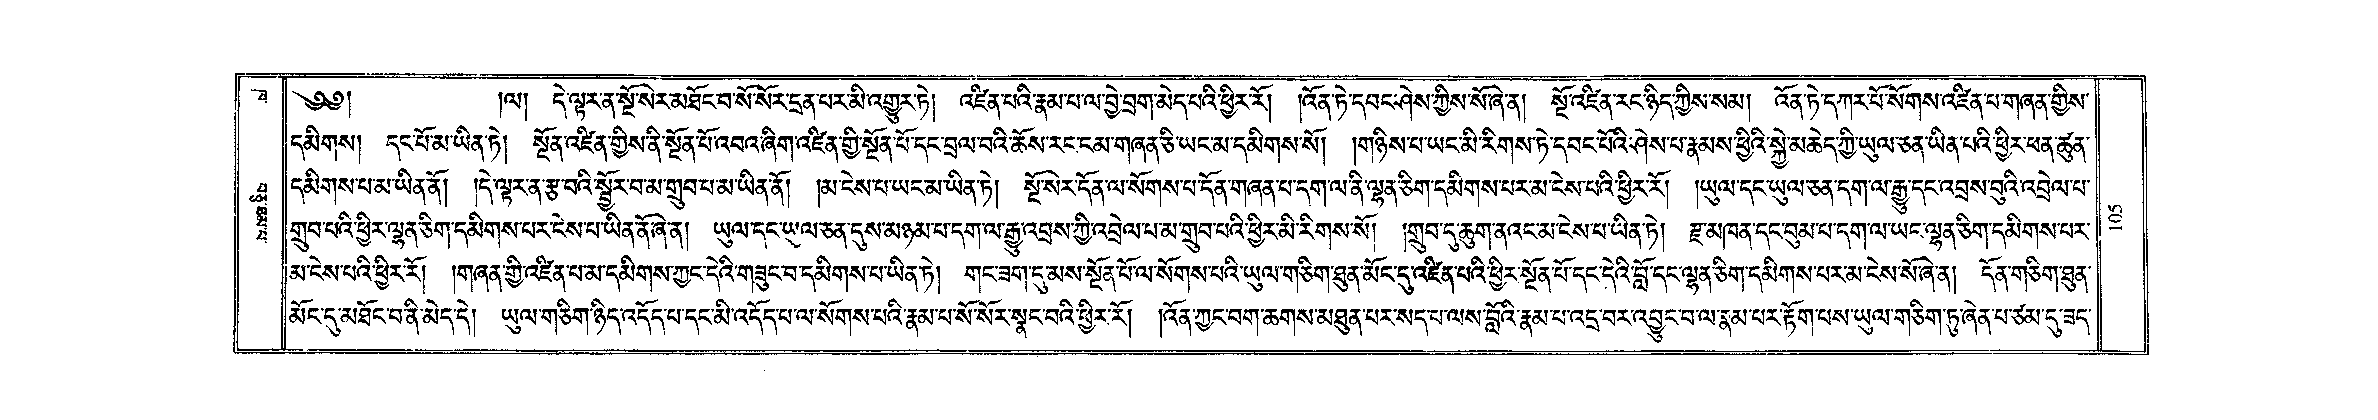༄༅། །ལ། དེ་ལྟར་ན་སྔོ་སེར་མཐོང་བ་སོ་སོར་དྲན་པར་མི་འགྱུར་ཏེ། འཛིན་པའི་རྣམ་པ་ལ་བྱེ་བྲག་མེད་པའི་ཕྱིར་རོ། །འོན་ཏེ་དབང་ཤེས་ཀྱིས་སོ་ཞེ་ན། སྔོ་འཛིན་རང་ཉིད་ཀྱིས་སམ། འོན་ཏེ་དཀར་པོ་སོགས་འཛིན་པ་གཞན་གྱིས་
དམིགས། དང་པོ་མ་ཡིན་ཏེ། སྔོན་འཛིན་གྱིས་ནི་སྔོན་པོ་འབའ་ཞིག་འཛིན་གྱི་སྔོན་པོ་དང་བྲལ་བའི་ཆོས་རང་ངམ་གཞན་ཅི་ཡང་མ་དམིགས་སོ། །གཉིས་པ་ཡང་མི་རིགས་ཏེ་དབང་པོའི་ཤེས་པ་རྣམས་ཕྱིའི་སྐྱེ་མཆེད་ཀྱི་ཡུལ་ཅན་ཡིན་པའི་ཕྱིར་ཕན་ཚུན་
དམིགས་པ་མ་ཡིན་ནོ། །དེ་ལྟར་ན་རྩ་བའི་སྦྱོར་བ་མ་གྲུབ་པ་མ་ཡིན་ནོ། །མ་ངེས་པ་ཡང་མ་ཡིན་ཏེ། སྔོ་སེར་དོན་ལ་སོགས་པ་དོན་གཞན་པ་དག་ལ་ནི་ལྷན་ཅིག་དམིགས་པར་མ་ངེས་པའི་ཕྱིར་རོ། །ཡུལ་དང་ཡུལ་ཅན་དག་ལ་རྒྱུ་དང་འབྲས་བུའི་འབྲེལ་པ་
གྲུབ་པའི་ཕྱིར་ལྷན་ཅིག་དམིགས་པར་ངེས་པ་ཡིན་ནོ་ཞེ་ན། ཡུལ་དང་ཡུལ་ཅན་དུས་མཉམ་པ་དག་ལ་རྒྱུ་འབྲས་ཀྱི་འབྲེལ་པ་མ་གྲུབ་པའི་ཕྱིར་མི་རིགས་སོ། །གྲུབ་དུ་ཆུག་ནའང་མ་ངེས་པ་ཡིན་ཏེ། རྫ་མཁན་དང་བུམ་པ་དག་ལ་ཡང་ལྷན་ཅིག་དམིགས་པར་
མ་ངེས་པའི་ཕྱིར་རོ། །གཞན་གྱི་འཛིན་པ་མ་དམིགས་ཀྱང་དེའི་གཟུང་བ་དམིགས་པ་ཡིན་ཏེ། གང་ཟག་དུ་མས་སྔོན་པོ་ལ་སོགས་པའི་ཡུལ་གཅིག་ཐུན་མོང་དུ་འཛིན་པའི་ཕྱིར་སྔོན་པོ་དང་དེའི་བློ་དང་ལྷན་ཅིག་དམིགས་པར་མ་ངེས་སོ་ཞེ་ན། དོན་གཅིག་ཐུན་
མོང་དུ་མཐོང་བ་ནི་མེད་དེ། ཡུལ་གཅིག་ཉིད་འདོད་པ་དང་མི་འདོད་པ་ལ་སོགས་པའི་རྣམ་པ་སོ་སོར་སྣང་བའི་ཕྱིར་རོ། །འོན་ཀྱང་བག་ཆགས་མཐུན་པར་སད་པ་ལས་བློའི་རྣམ་པ་འདྲ་བར་འབྱུང་བ་ལ་རྣམ་པར་རྟོག་པས་ཡུལ་གཅིག་ཏུ་ཞེན་པ་ཙམ་དུ་ཟད་